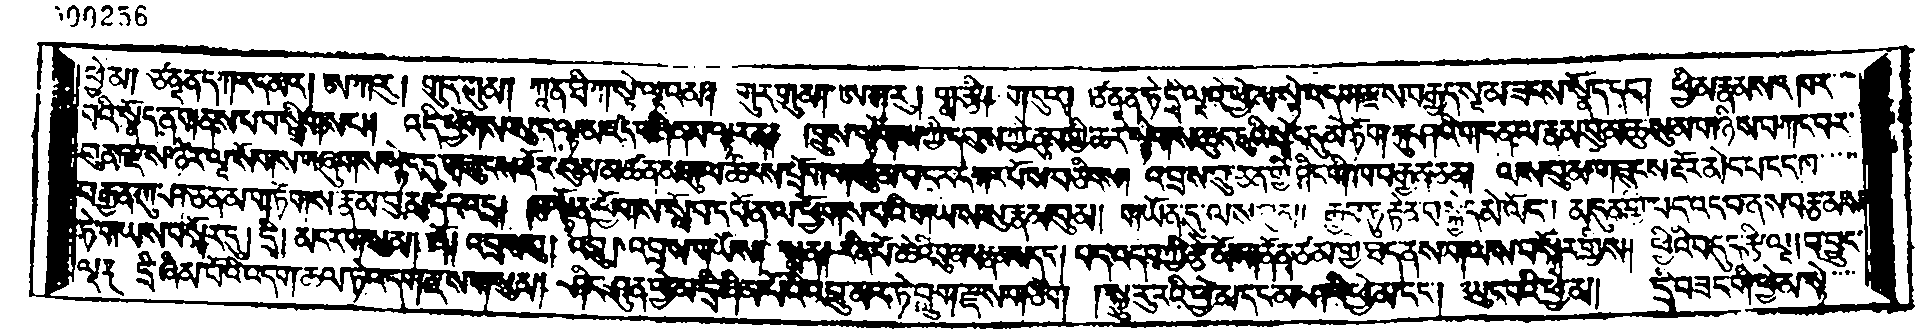ཕྱེ་མ། ཙནྡན་དཀར་དམར། ཨ་ཀ་རུ། གུར་གུམ། ཀཱན་ཐི་ཀ་སྟེ་ལྔ་འམ། གུར་གུམ། ཨ་ཀ་རུ། གླ་རྩི། ག་བུར། ཙནྡན་ཏེ་དྲི་ལྔའི་ཕྱེ་མ་སྟེ་འདག་རྫས་བརྒྱད་སྔ་མ་ཟངས་སྣོད་དང་། ཕྱི་མ་རྣམས་འཁར་
བའི་སྣོད་ན་གནས་པ་བསྒྲིགས་པ། འདི་ཕྱོགས་སུ་ད་ལྟ་མཛད་བཞིན་པ་ལྟར་ན། ཁྲུས་སྟེགས་ཀྱི་དབུས་ཀྱི་ནུབ་གྱི་ཆར་སྟེགས་ཆུང་ངུའི་སྟེང་དུ་མེ་ཏོག་ཀུ་ཤའི་གདན་ལ་རྣམ་བུམ་ཆུ་སུམ་གཉིས་བཀང་བར་
བུམ་རྫས་ཉེར་ལྔ་སོགས་གཞུགས་སྟེང་དུ་གཟུངས་རྡོར་བུམ་མཚན་མགུལ་ཆིངས་བྲོག་གསུམ་པ་དར་དཀར་པོས་བཅིངས། འབྲས་བུ་ཅན་གྱི་ཤིང་གི་ཁ་བརྒྱན་ཅན། ལས་བུམ་གཟུངས་རྡོར་མེད་པ་དང་ཁ་
བརྒྱན་ཀུ་ཤ་ཅན་མ་གཏོགས་རྣམ་བུམ་དང་འདྲ། ཁ་སྟོན་ཕྱོགས་སློབ་དཔོན་ལ་ཕྱོགས་པའི་གཡས་སུ་རྣམ་བུམ། གཡོན་དུ་ལས་བུམ། རྒྱབ་ཏུ་རྟེན་བསྐྱེད་མེ་ལོང་། མདུན་གྱི་པད་འདབ་ནས་བརྩམས་
ཏེ་གཡས་བསྐོར་དུ། དྲི། མངར་གསུམ། ཞོ། འབྲས་བུ། འབྲུ། འབྲས་གཡོས། སྨན། རིན་པོ་ཆེའི་བུམ་པ་རྣམས་དང་། པད་འདབ་ཀྱི་རྩེ་མོ་གནོན་ཙམ་གྱི་ཐད་ནས་གཡས་བསྐོར་གྱིས། ཕྱིའི་བདུད་རྩི་ལྔ། བ་བྱུང་
ལྔ༑ དྲི་ཞིམ་པོའི་འདག་ཆལ་ཏེ་འདག་རྫས་གསུམ། ཤིང་ཤུན་ཕྱེ་མ་དྲི་ཞིམ་པོའི་འབྲུ་མར་ཏེ་བླུག་རྫས་གཅིག །སྐྱུ་རུ་རའི་ཕྱེ་མ་དང་མ་ཤའི་ཕྱེ་མ་དང་། ཡུང་བའི་ཕྱེ་མ། དྲི་བཟང་གི་ཕྱེ་མ་སྟེ་